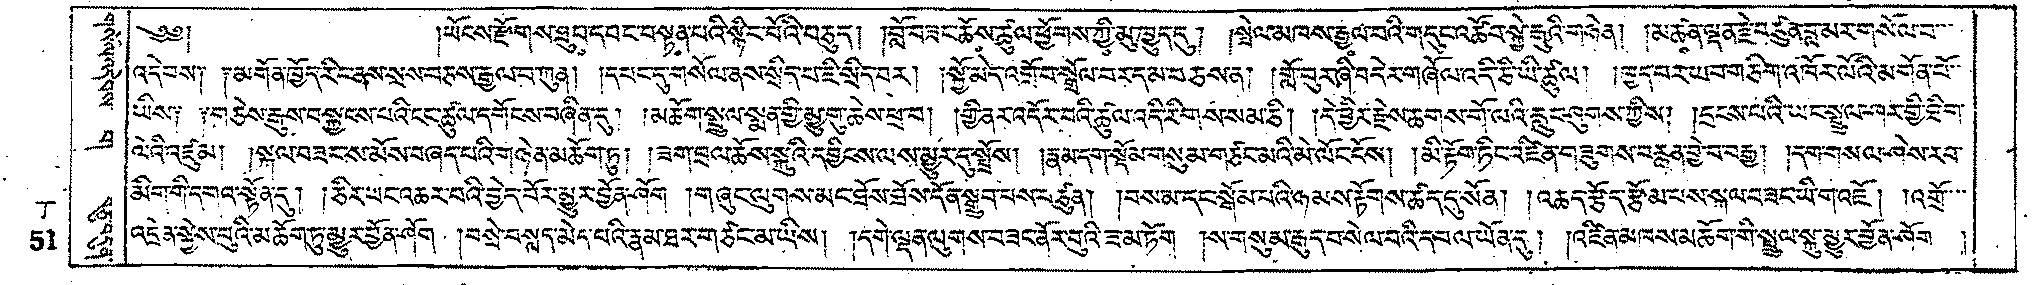༄༅། །ཡོངས་རྫོགས་ཐུབ྾་དབང་བསྟན྾་པའི་སྙིང་པོའི་བཅུད། །བློ་བཟང་ཆོས྾་ཚུལ་ཕྱོགས་ཀྱི྾་མུ་ཁྱུད་དུ། །སྤེལ་མཁས་རྒྱལ྾་བའི་གདུང་འཚོབ་སྐྱེ་རྒུའི་གཉེན། །མཚན྾་ལྡན་རྗེ་བཙུན་བླ་མར་གསོལ་བ་་་
འདེབས༑ ༑མགོན་ཁྱོད་རིང་ནས་སྲས་བཅས་རྒྱལ་བ་ཀུན། །དཔང་དུ་གསོལ་ནས་སྲིད་པ་ཇི་སྲིད་བར། །སྐྱོ་མེད་འགྲོ་བ་སྒྲོལ་བར་དམ་བཅས་ན། །གློ་བུར་ཞི་བདེར་གཞོལ་འདི་ཅི་ཡི་ཚུལ། །ཁྱད་པར་ཡབ་གཅིག་འཁོར་ལོའི་མགོན་པོ་་་
ཡིས༑ ༑གཅེས་རྒུས་བསྐྱངས་པའི་ངང་ཚུལ་དགོངས་བཞིན་དུ། །མཆོག་སྤྲུལ་སྨན་གྱི་མྱུ་གུ་ཆེས་ཕྲ་བ། །གྱི་ནར་འདོར་བའི་ཚུལ་འདི་རིགས་སམ་ཅི། །དེ་ཕྱིར་རྗེས་ཆགས་གོ་ལའི་རླུང་ཤུགས་ཀྱིས། །དྲངས་པའི་ཡང་སྤྲུལ་ཤར་གྱི་ཐིག་
ལེའི་འཛུམ། །སྐལ་བཟང་ས་མོས་བཞད་པའི་གཉེན་མཆོག་ཏུ། །ཟག་བྲལ་ཆོས་སྐུའི་དབྱིངས་ལས་མྱུར་དུ་སྤྲོས། །རྣམ་དག་སྡོམ་གསུམ་གཙང་མའི་མེ་ལོང་ངོས། །མི་རྟོག་ཏིང་འཛིན་གཟུགས་བརྙན་བྱེ་བ་བརྒྱ། །དག་གསལ་ཤེས་རབ་
མིག་གི་དགའ་སྟོན་དུ། །ཅིར་ཡང་འཆར་བའི་བྱེད་བོར་མྱུར་བྱོན་ཤོག །གཞུང་ལུགས་མང་ཐོས་ཐོས་དོན་སྒྲུབ་པས་བཙུན། །བསམ་དང་སྒོམ་པའི་ཉམས་རྟོགས་ཚད་དུ་སོན། །འཆད་རྩོད་རྩོམ་པས་སྐལ་བཟང་ཡི་ག་འཇོ། །འགྲོ་་་
འདྲེན་སྐྱེས་བུའི་མཆོག་ཏུ་མྱུར་བྱོན་ཤོག །བསྲེ་བསླད་མེད་པའི་རྣམ་ཐར་གཙང་མ་ཡིས། །དགེ་ལྡན་ལུགས་བཟང་ནོར་བུའི་ཟ་མ་ཏོག །ས་གསུམ་རྒུད་པ་སེལ་བའི་དཔལ་ཡོན་དུ། །འཛིན་མཁས་མཆོག་གི་སྤྲུལ་སྐུ་མྱུར་བྱོན་ཤོག།